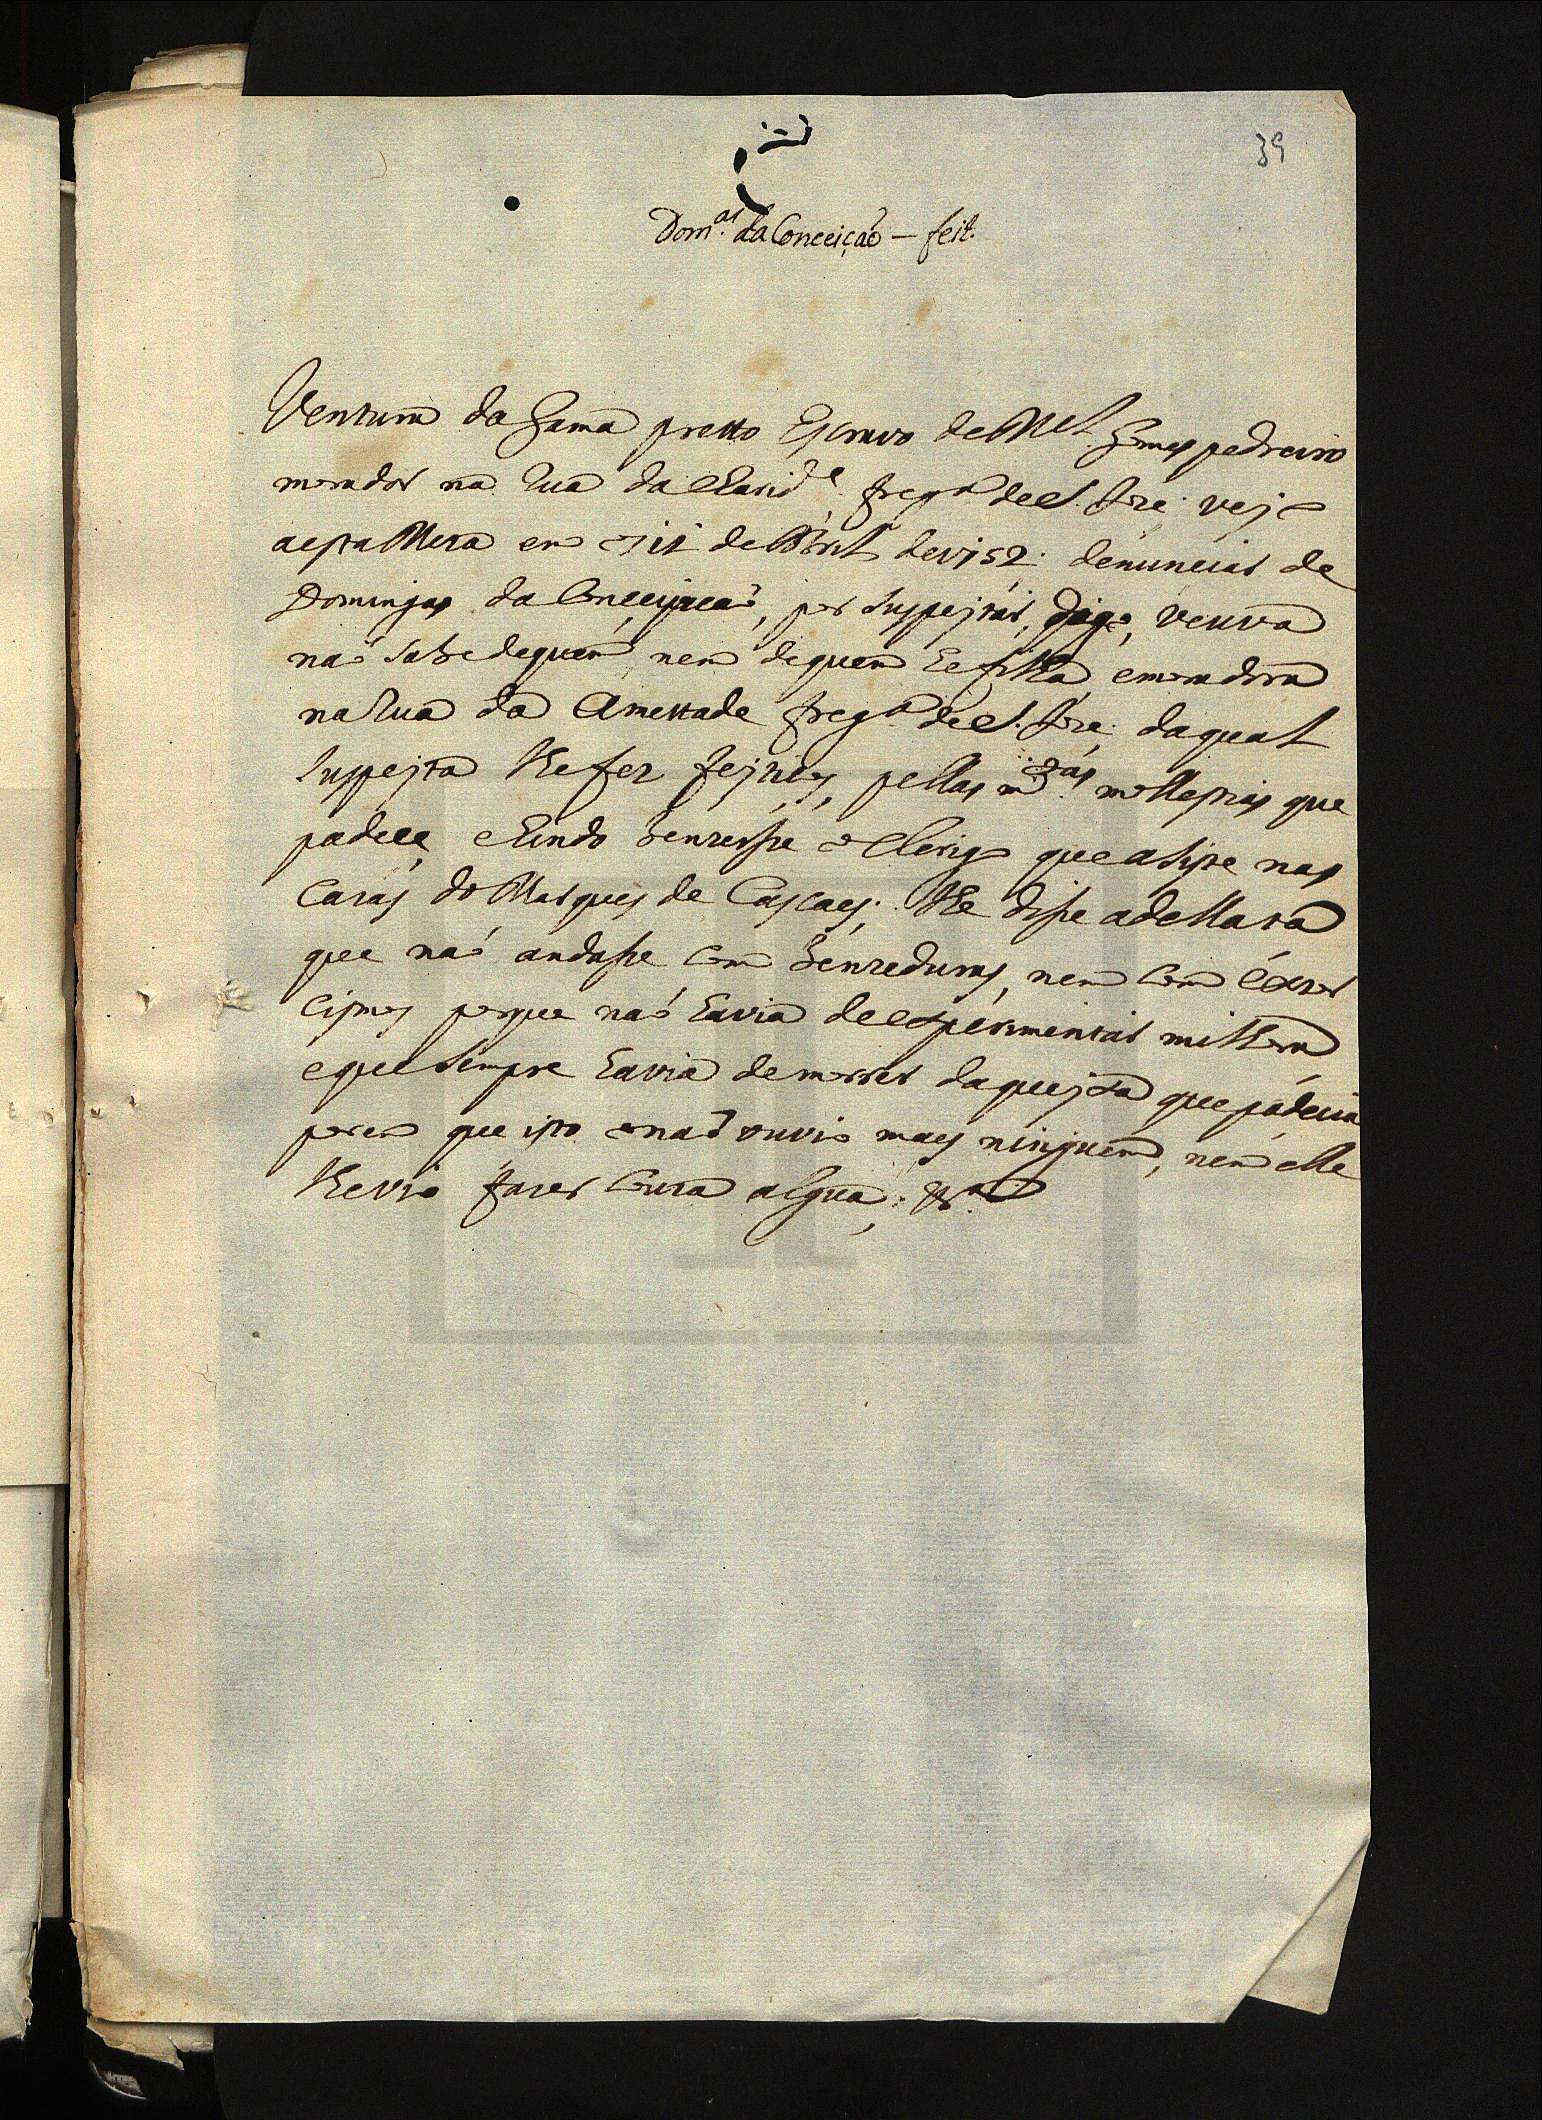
Dom.as da Conceiçaõ = feit.
Ventura da Gama pretto Escravo de M.el Gomes pedreiro
morador na Rua da charid.e freg.a de S. Iozé vejo
a esta Meza em os ii de Abril de i752. denuncias de
Domingas da Conceycçaõ, por suspejtar, digo veuva
naõ sabe de quem nem de quem he filha, e moradora
na Rua da Amettade freg.a de S. Joze; da qual
suspejta lhe fez fejtiços, pellas m.tas mollestias que
padeçe, e hindo benzersse o clerigo que asiste nas
cazas do Marques de Cascaes; lhe disse a dellata
que naõ andasse com benzeduras, nem com exzer
cissios, porque naõ havia de experimentar melhora
e que sempre havia de morrer da quejxa que padeçia
porem que isto o naõ ouvio maes ninguem, nem elle
lhe vio fazer Couza alguā, &.a
